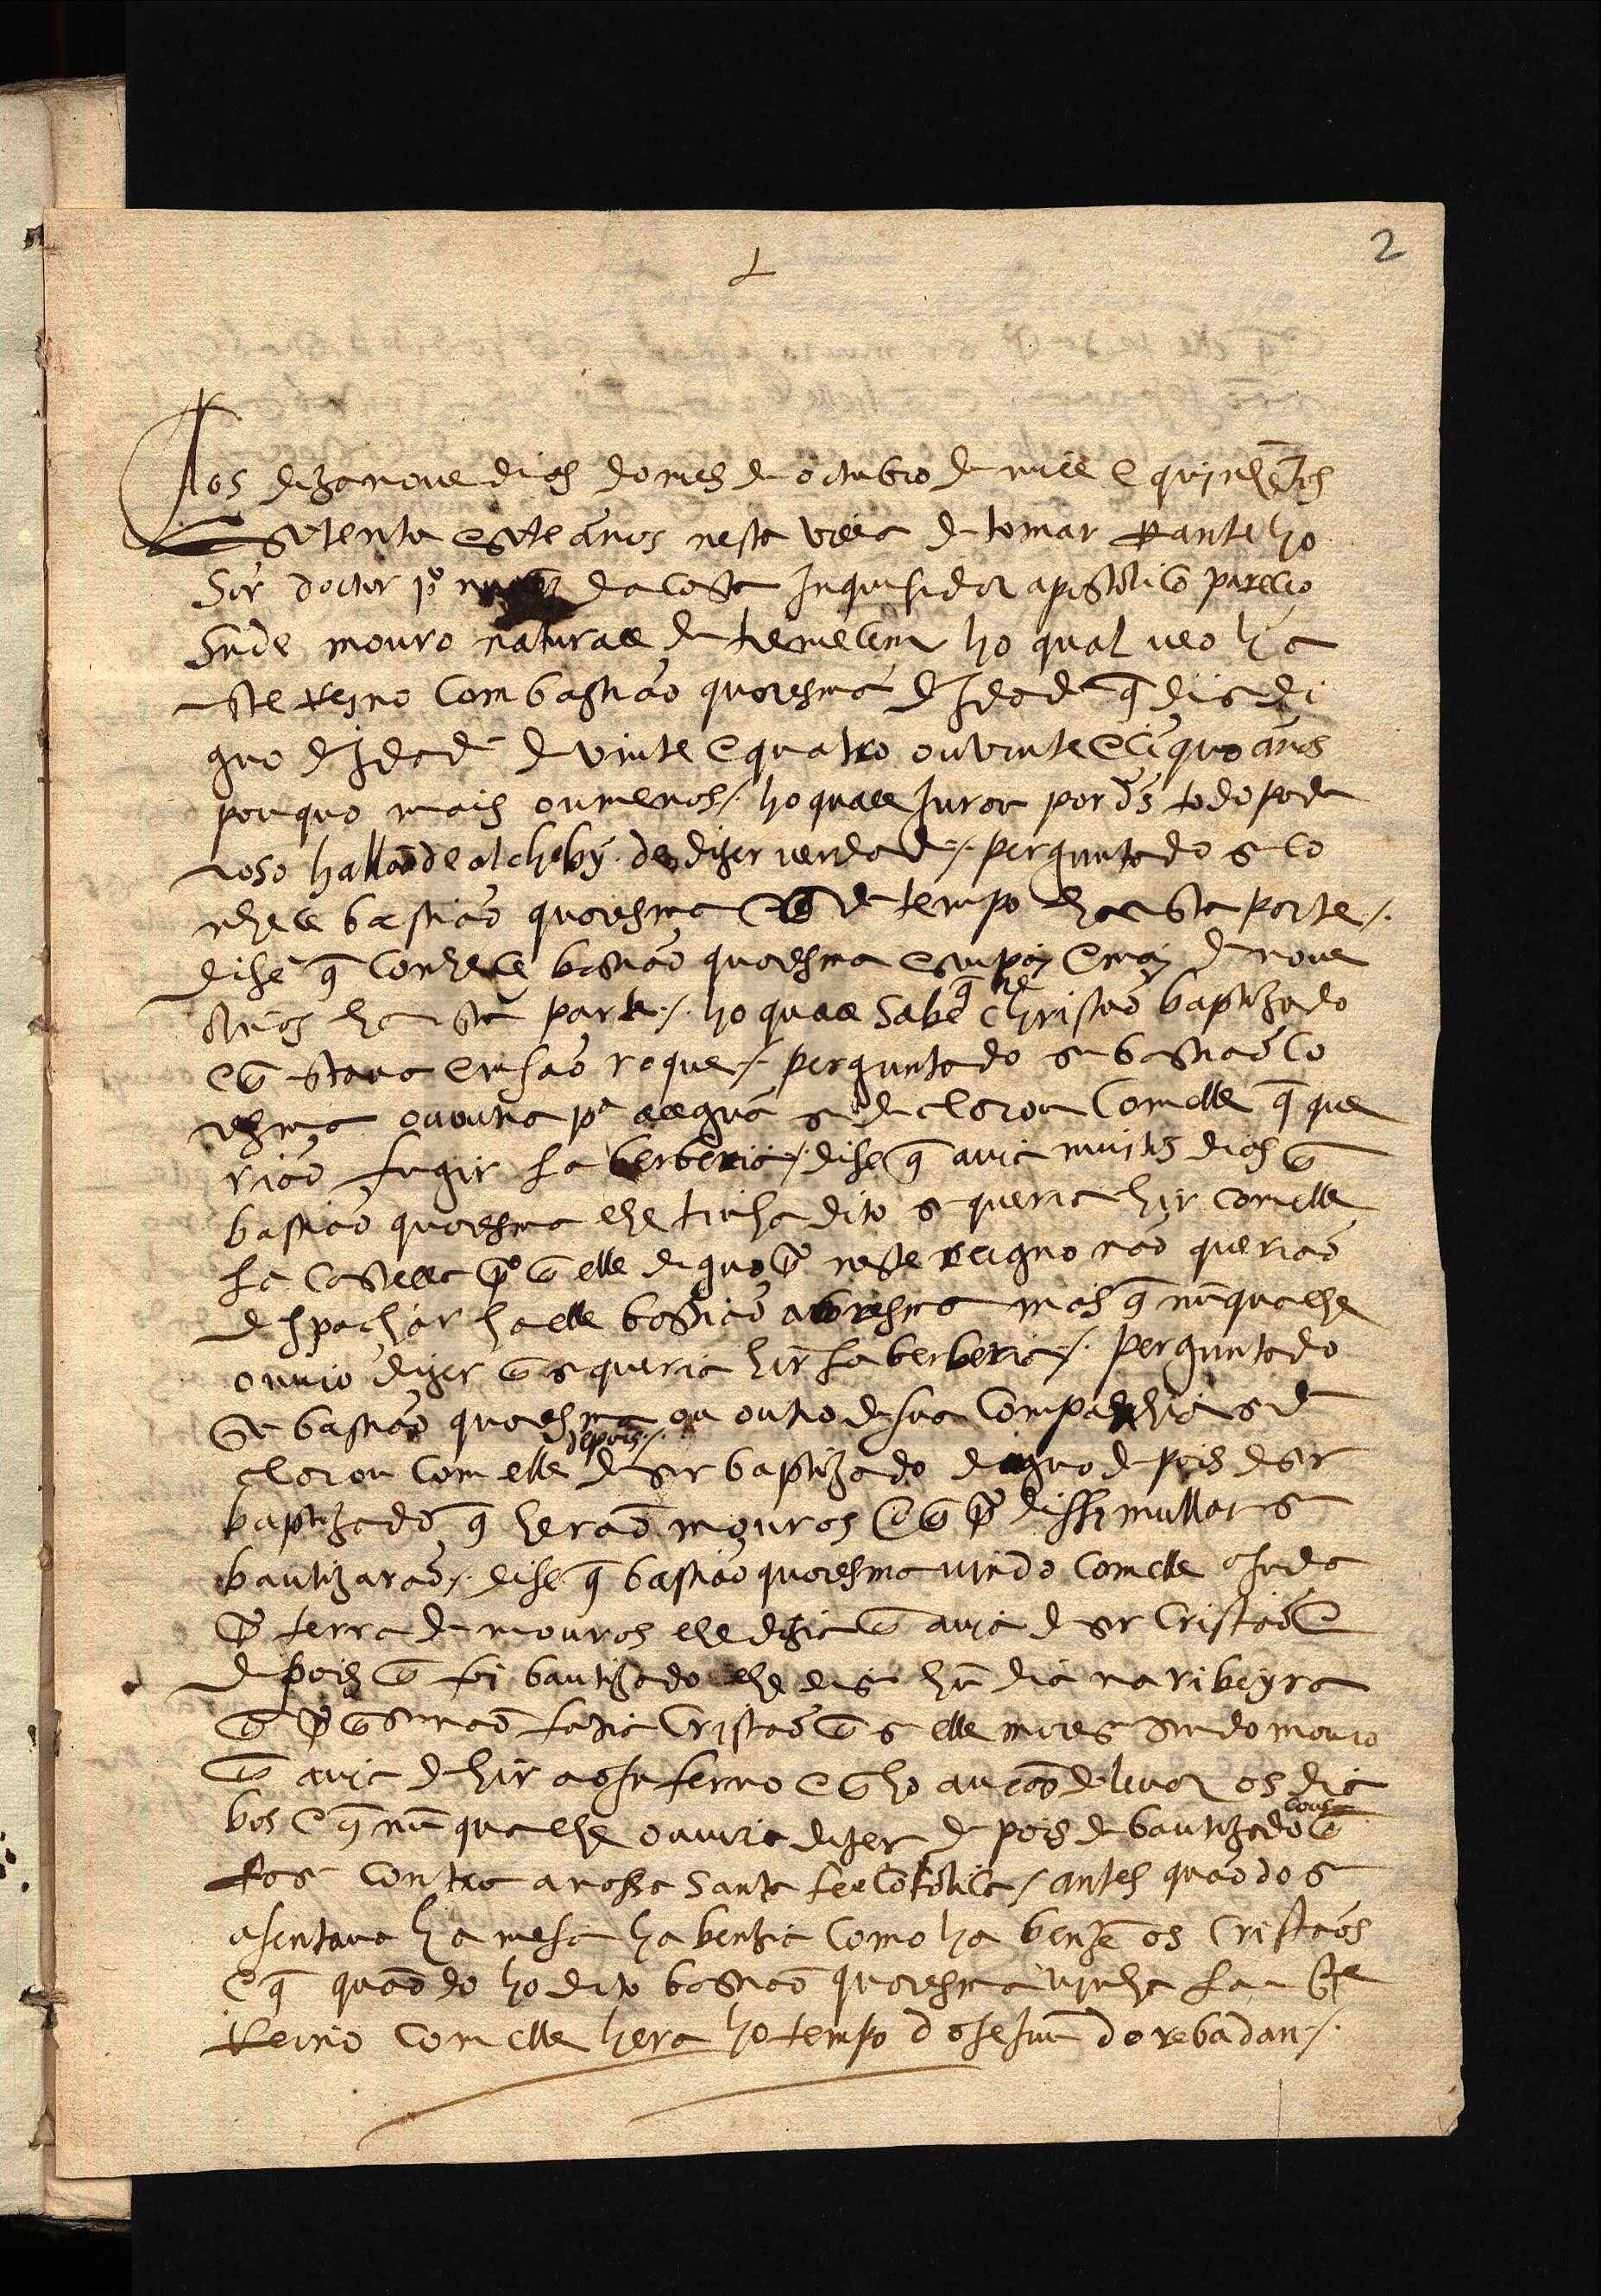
Aos dezanoue dias do mes de octubro de mill e qujnhētos
E setenta e sete anos nesta villa de tomar ꝑante ho
Sor̄ doctor po nunez da costa Jnquisidor apostolico pareçeo
Sude mouro naturall de tremeçem ho qual ueo ha
ste Rejno com bastião quaresma de Jdade q̄ dise di
guo de jdade de vinte e quatro ou vinte e çīquo anos
pouquo mais ou menos /. ho quall Jurou por ds̄ todo pode
roso hallā de alchebȳ de diser uerdade /. perguntado se co
nheçe bastiaõ quaresma e q̄ de tempo ha esta parte /.
dise q̅ conheçe bastiaõ quaresma e seu paj e maj de noue
Anōs ha esta parte./. ho quall sabe
q̄ he
christaõ baptizado
e q̄ estaua em saõ roque ./. perguntado se bastiaõ co
resma ou outra pa allguā se declarou Com elle q̄ que
riaõ fugir ꝑa berberia / dise q̄ auia muitos dias q̄
bastiaõ quaresma lhe tinha dito se queria hir com elle
ha castella p̄o q̄ elle diguo p̄o neste reigno naõ queriaõ
despachar ha elle bastiaõ _resma mas q̄ nūqua lhe
ouuio diser q̄ se queria hir ha berberia /. perguntado
se bastiaõ quaresma ou outro de sua companhia se de
clarou com elle
depois ./.
de ser baptizado diguo depois de ser
baptizado q̅ heraõ mouros e̅ q̅ p̅o dissimullar se
bautizaraõ ./. dise q̄ bastiaõ quaresma uindo com elle aJnda
p̄o terra de mouros lhe disia q̄ auia de ser Cristaõ e
depois q̄ foi bautizado lhe dise hū dia na ribeyra
q̄ p̄o q̄ se naõ fasia Cristaõ q̄ se elle morese sendo mouro
q̄ auia de hir ao Jnferno e q̄ ho auião de leuar os dia
bos e q̄ nūqua lhe ouuira dizer depois de bautizado
cousa
q̄
fose contra a nossa santa fee catolica / antes quaõdo se
asentaua ha mesa ha benzia Como ha benzē os cristaõs
e q̄ quãodo ho dito bastiaõ quaresma ujnha ha este
Reino com elle hera ho tempo do JeJuū do rebadan ./.
